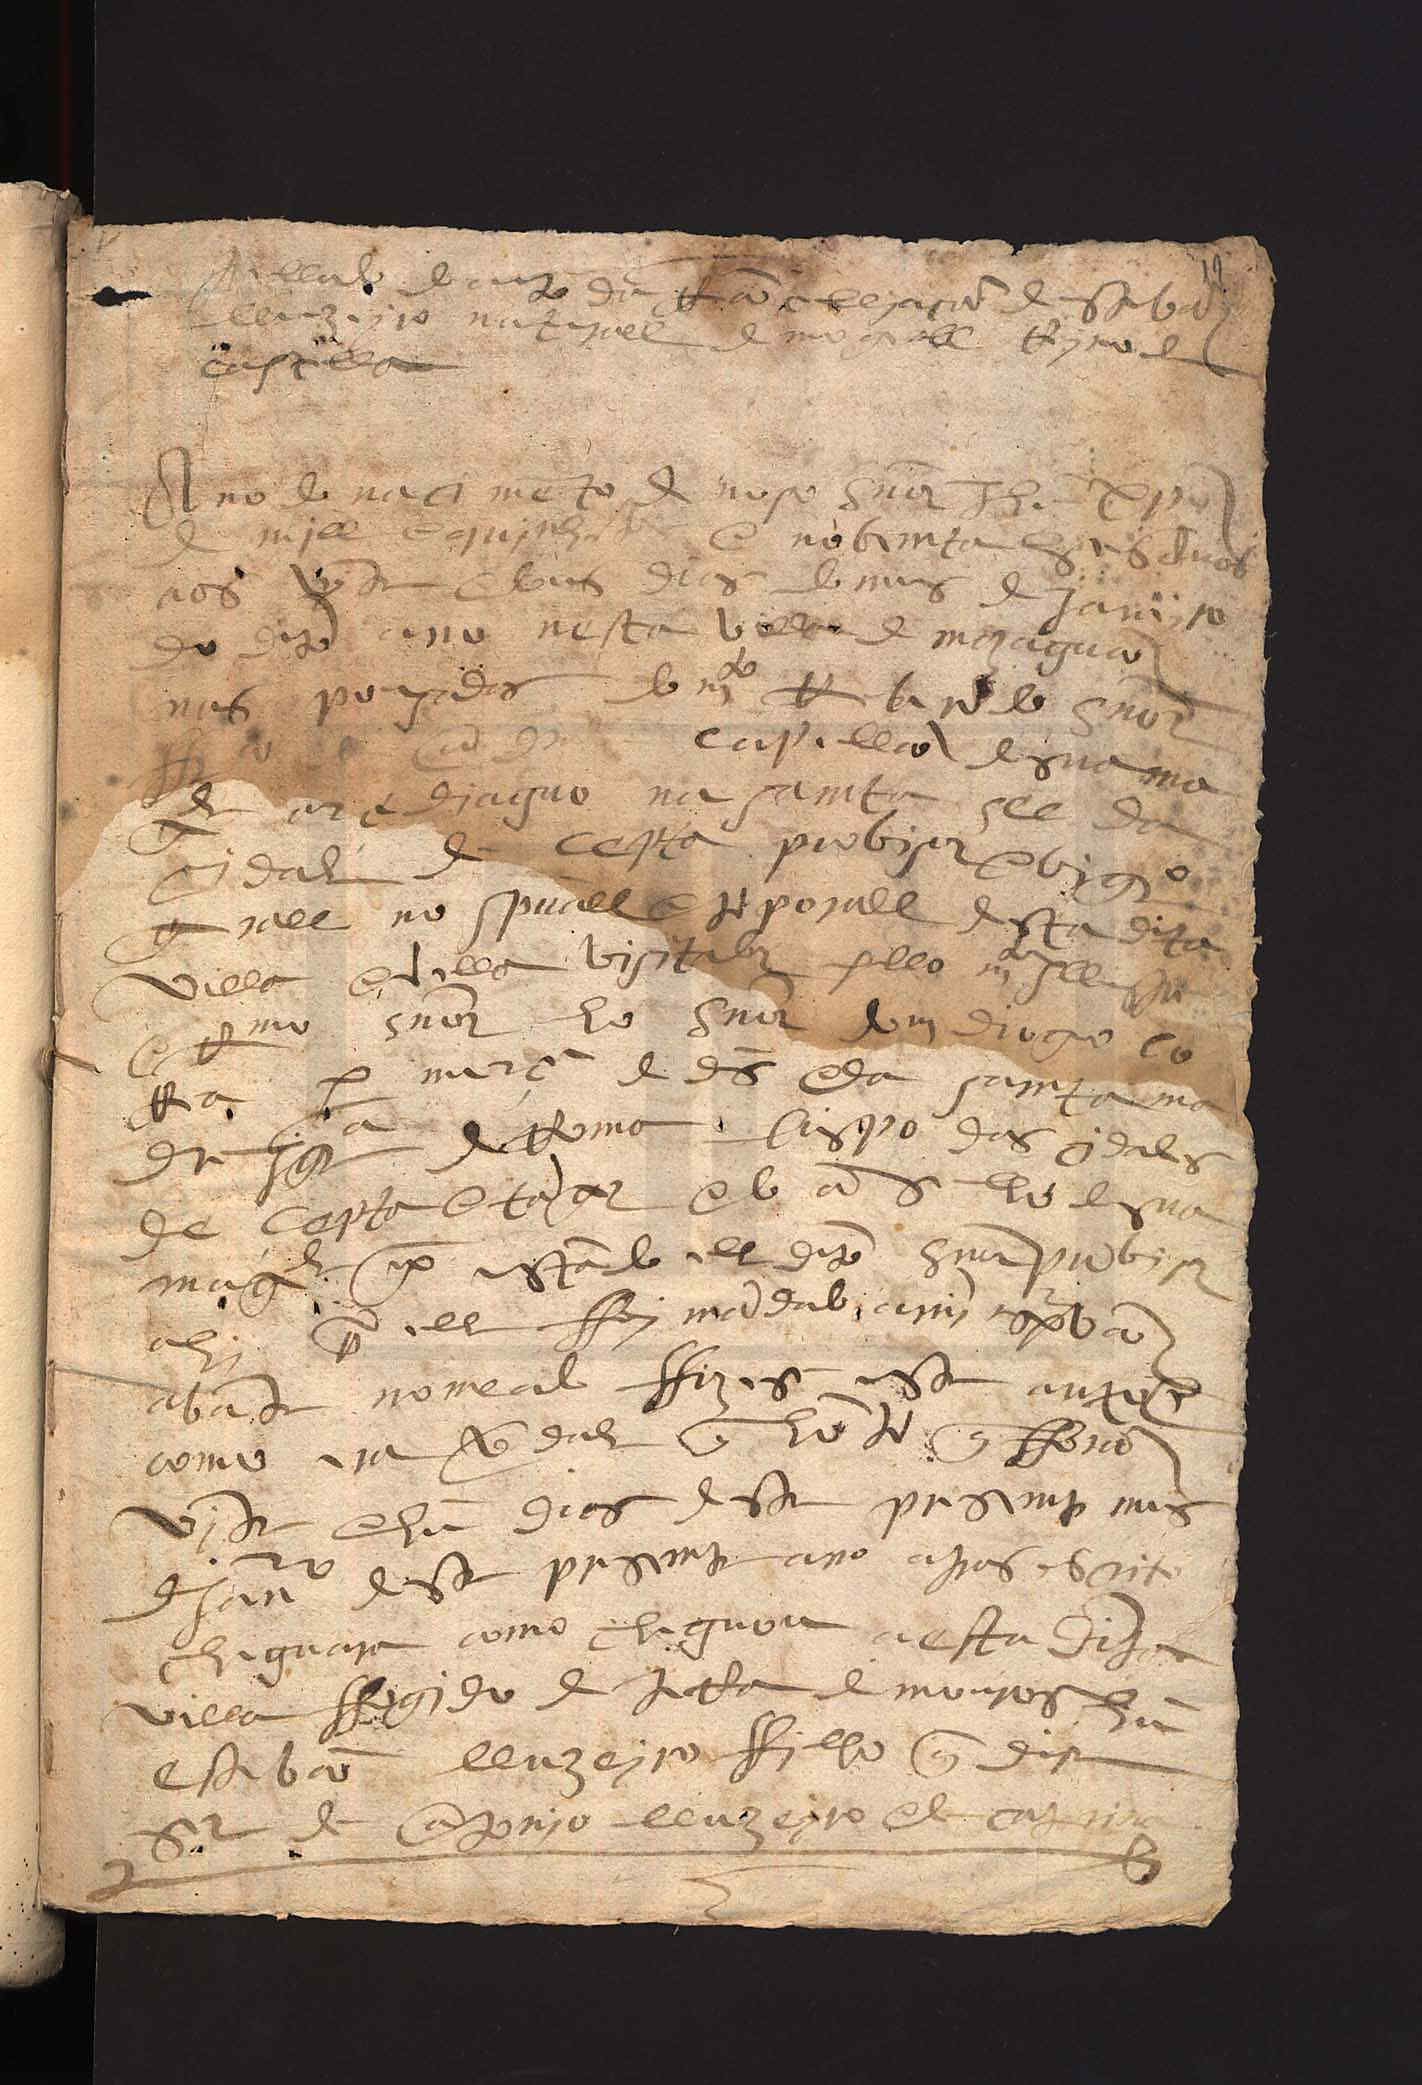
trellado do auto da Rec̄ocilljaçaõ destevaõ
lluzejro naturall de moguell Rejno de
castella
Ano do nacimēto de noso Snōr Jhū xpō
de mjll e qujnhētos e novemta e seis Anos
aos vj̄te e dous dias do mes de Janejro
do dito ano nesta villa de mazaguão
nas pousadas do mto Reverēdo Snōr
ffrco de ādrade capellaõ de sua ma
gde arcediaguo na samta see da
cidade de cepta provisor e vigro
gerall no spuāll e tēporall desta dita
villa e ē ella visitador p̄llo mto Jllustre
e Rmo snōr ho Snōr dom diogo co
Rea ꝑ merce de ds̄ e da samta ma
dre Jgra de Roma bispo das cidades
de cepta e tāger e do c̄oselho de sua
magde c̄ꝭ estādo elle dito Snōr provisor
ahj p̄o elle ffoy mādado a mj̄ esp̄vão
avāte nomeado ffizese este auto ē
como era ꝟdade q̄ hōtē q̄ fforão
vj̄te e hū dias deste presemte mes
de Janro deste presemte ano atras escrito
cheguara como chegou a esta dita
villa ffogido de teRa de mouros hū
estevão lluzejro ffilho q̄ dise
ser de ātonjo lluzeyro e de caterina
